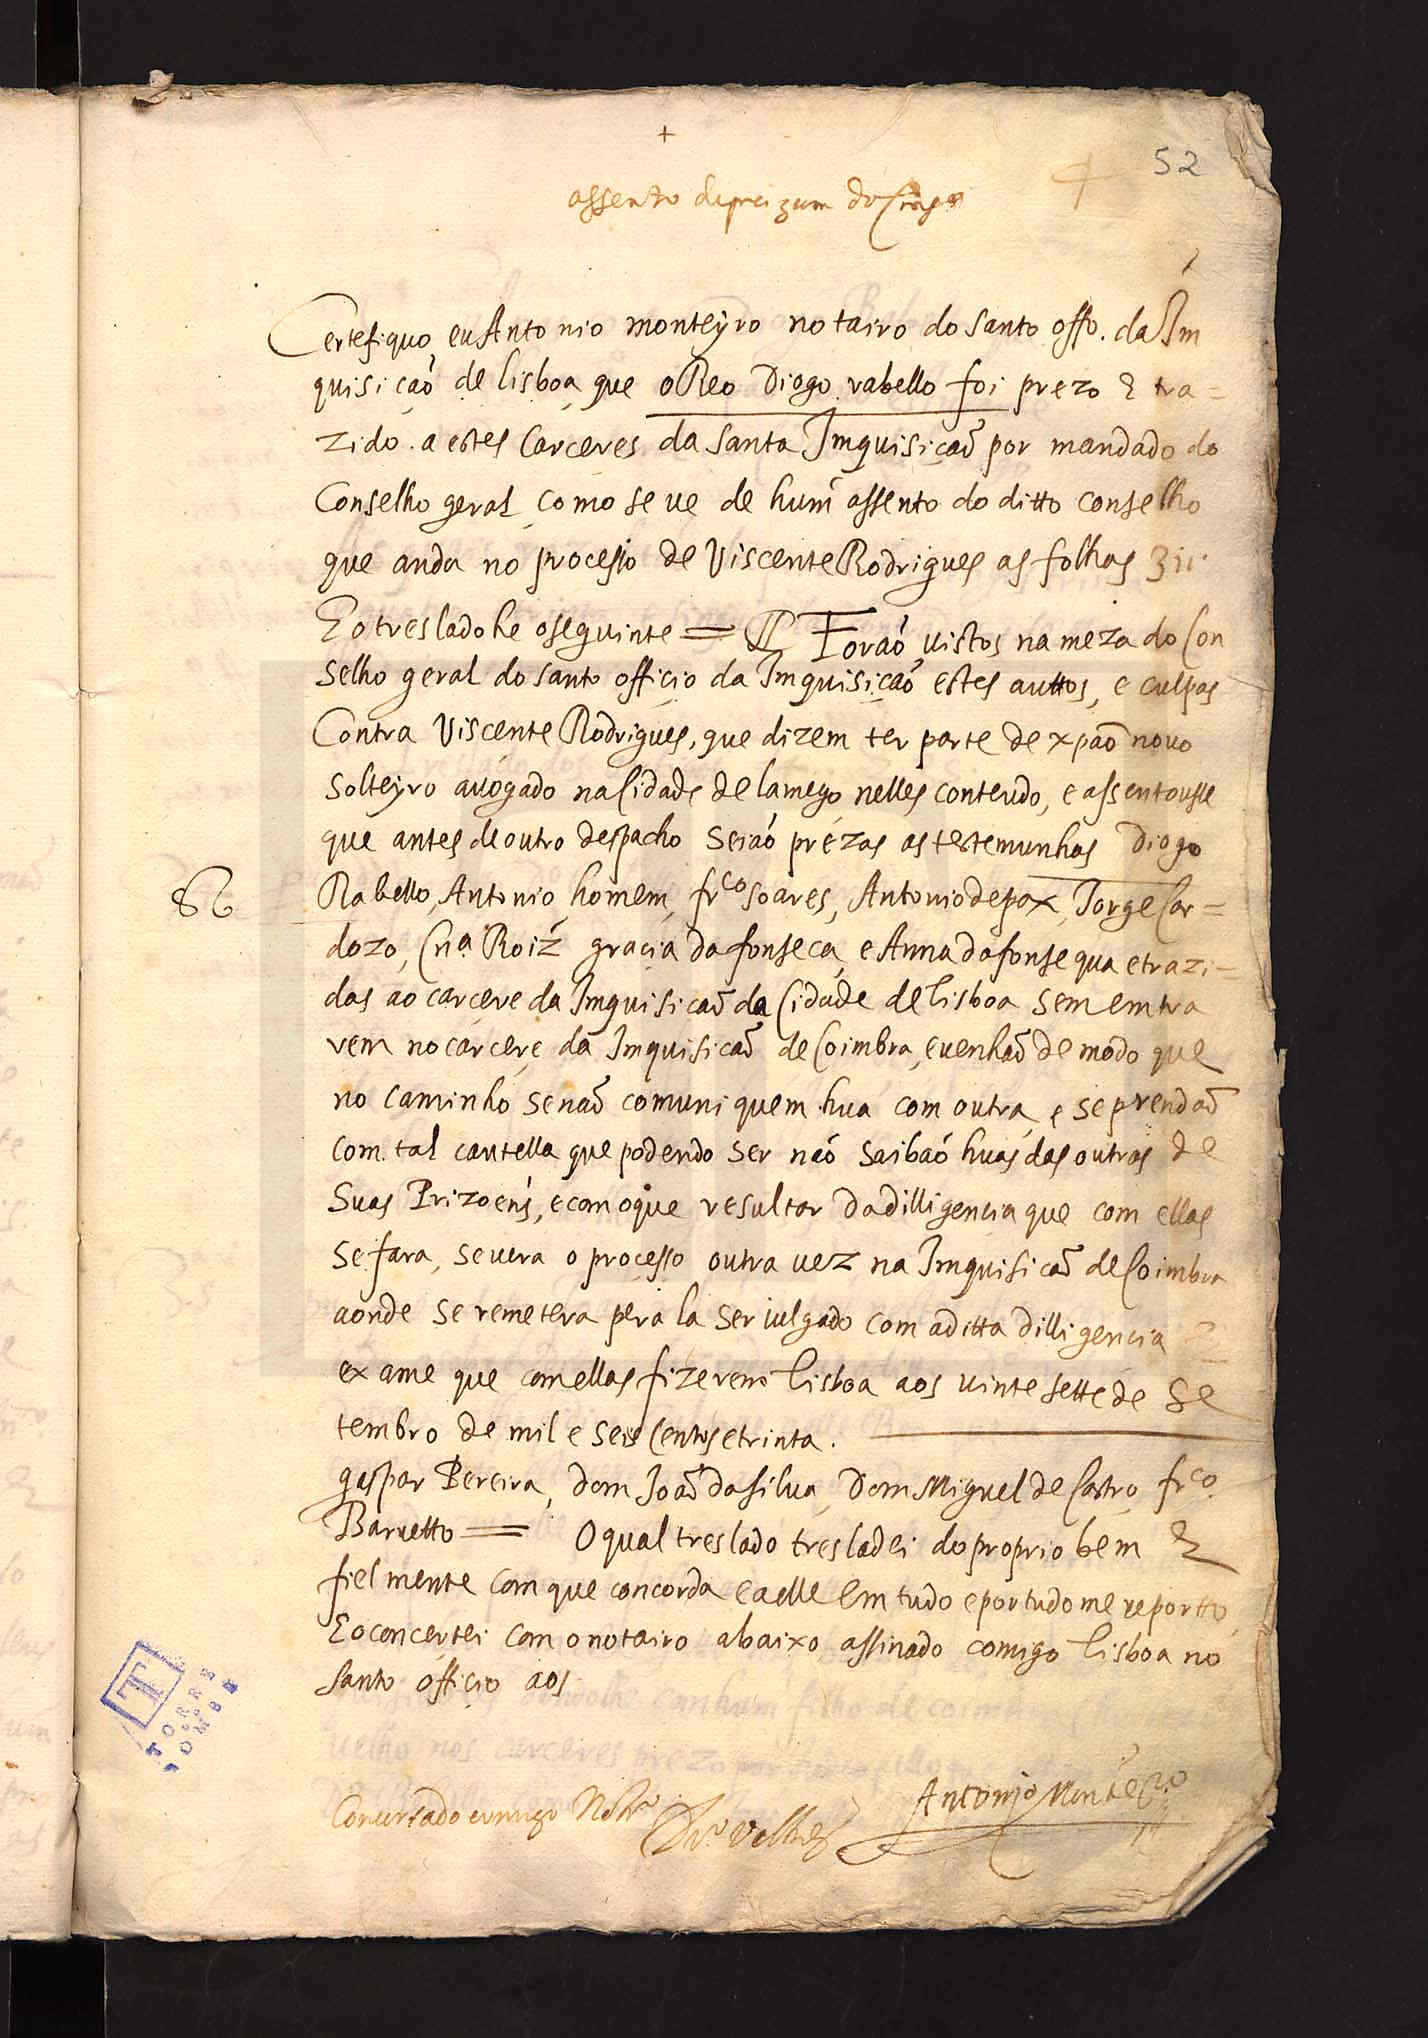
assento de prizam do Conso
Certefiquo eu Antonio monteyro notairo do Santo offo. da Im
quisiçaõ de Lisboa, que o Reo Diogo rabello foi prezo E tra
zido a estes Carceres da Santa Imquisiçaõ por mandado do
Conselho geral, como se ue de hum assento do ditto conselho
que anda no processo de Viscente Rodrigues as folhas 311.
E o treslado he o seguinte = ⁋ Foraõ uistos na meza do Con
selho geral do santo officio da Imquisiçaõ estes auttos, e culpas
Contra Viscente Rodrigues, que dizem ter parte de xpão nouo
solteyro auogado na Cidade de lamego nelles conteudo, e assentousse
que antes de outro despacho seiaõ prezas as testemunhas Diogo
Rabello, Antonio homem, frco soares, Antonio de pax, Iorge Car
dozo, Cna. Roiz̄ gracia da fonseca, e Anna da fonsequa e trazi
das ao carcere da Imquisiçaõ da Cidade de lisboa sem emtra
rem no carcere da Imquisiçaõ de Coimbra, e uenhaõ de modo que
no caminho se naõ comuniquem hua com outra, e se prendaõ
com tal cautella que podendo ser naõ saibaõ huas das outras de
suas Prizoens, e com o que resultar da dilligencia que com ellas
se fara, se uera o processo outra uez na Imquisiçaõ de Coimbra
aonde se remetera pera la ser iulgado com a ditta dilligencia
exame que com ellas fizerem lisboa aos uinte sette de se
tembro de mil e seicentos e trinta.
gaspar Pereira, dom Ioaõ da silua, Dom Miguel de Castro, frco.
Barretto = O qual treslado tresladei do proprio bem E
fielmente com que concorda e a elle em tudo e por tudo me reportto
E o concertei com o notairo abaixo assinado comigo lisboa no
Santo offiçio aos
Concertado comigo Notr.o
